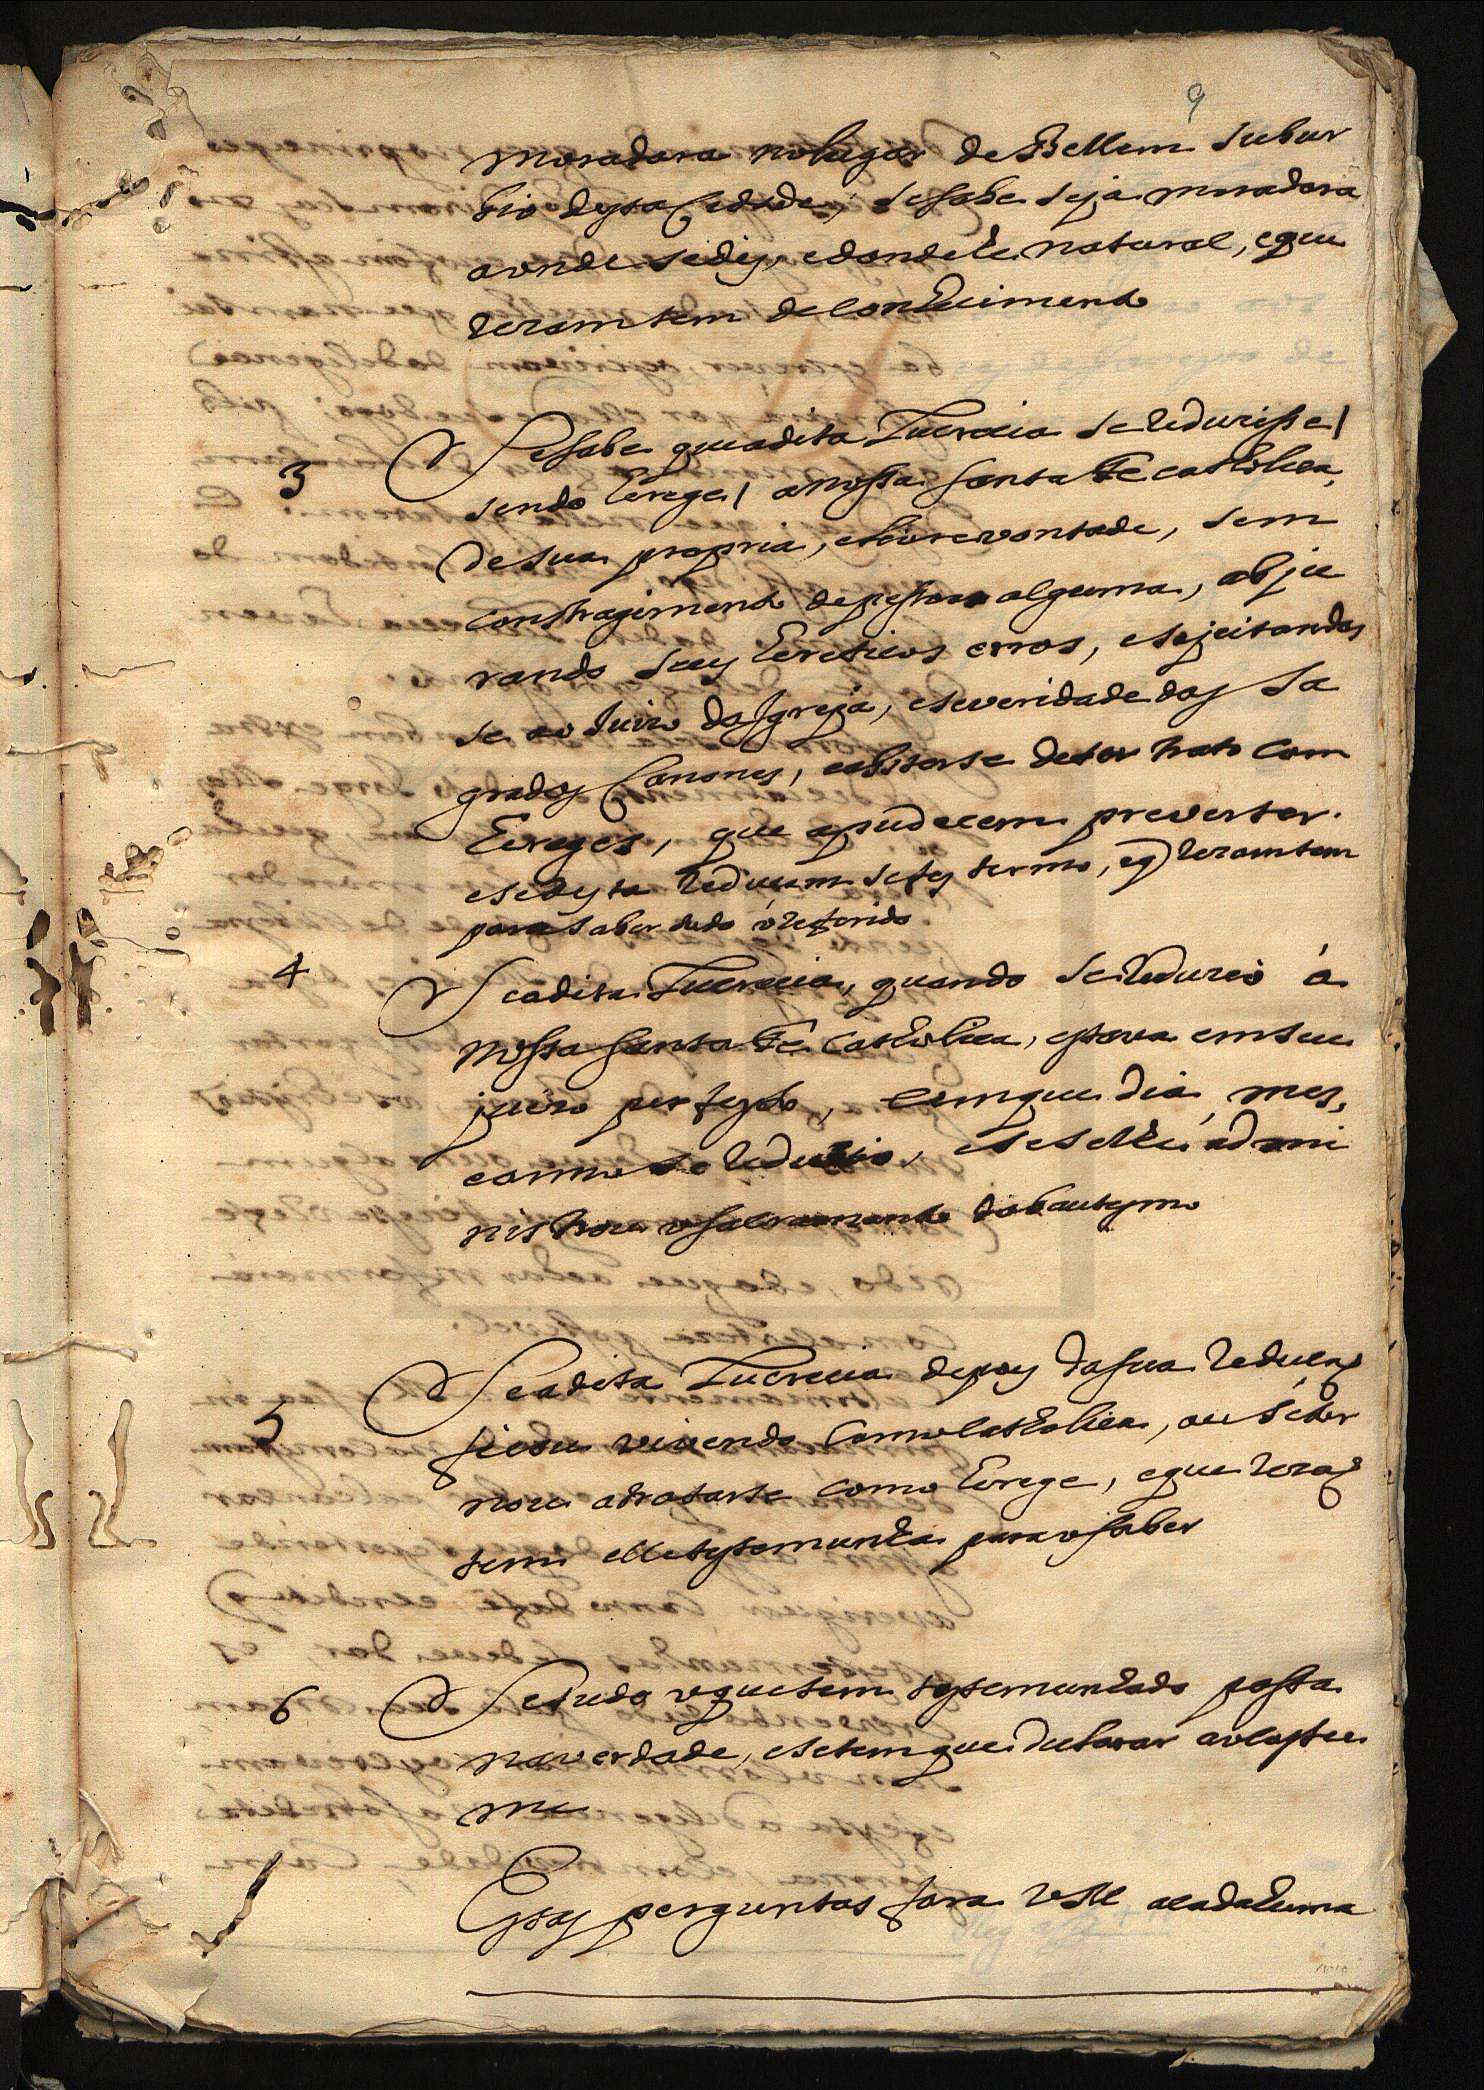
moradora no lugar de Bellem subur
bio desta Cidade, se sabe seja moradora
aonde se dis, e donde he natural, e que
rezam tem de conhecimento
3
Se sabe que a dita Lucrecia se Reduzisse/
sendo herege/ a nossa santa Fe catholica,
de sua propria, e livre vontade, sem
constragimento de pessoa alguma, abju
rando seus hereticos erros, e sojeitando
se ao Iuizo da Jgreja, e severidade dos Sa
grados Canones, e absterse de ter trato com
hereges, que a pudecem preverter.
e se desta Reduçam se fes termo, e q̄ Rezam tem
para saber tudo o referido
4
Se a dita Lucrecia, quando se Reduzio á
nossa Santa Fé catholica, estava em seu
juizo perfeyto, e em que dia, mes,
e anno se Reduzio, e se se lhe admi
nistrou o sacramento de bautismo
3
Se a dita Lucrecia depois da sua Reduçaõ
5.
ficou vivendo como catholica, ou se tor
nou a tratarse como herege, e que Rezaõ
tem elle testemunha para o saber
6
Se tudo o que tem testemunhado passa
na verdade, e se tem que declarar ao costu
me
Estas perguntas fara VM a cada huma
